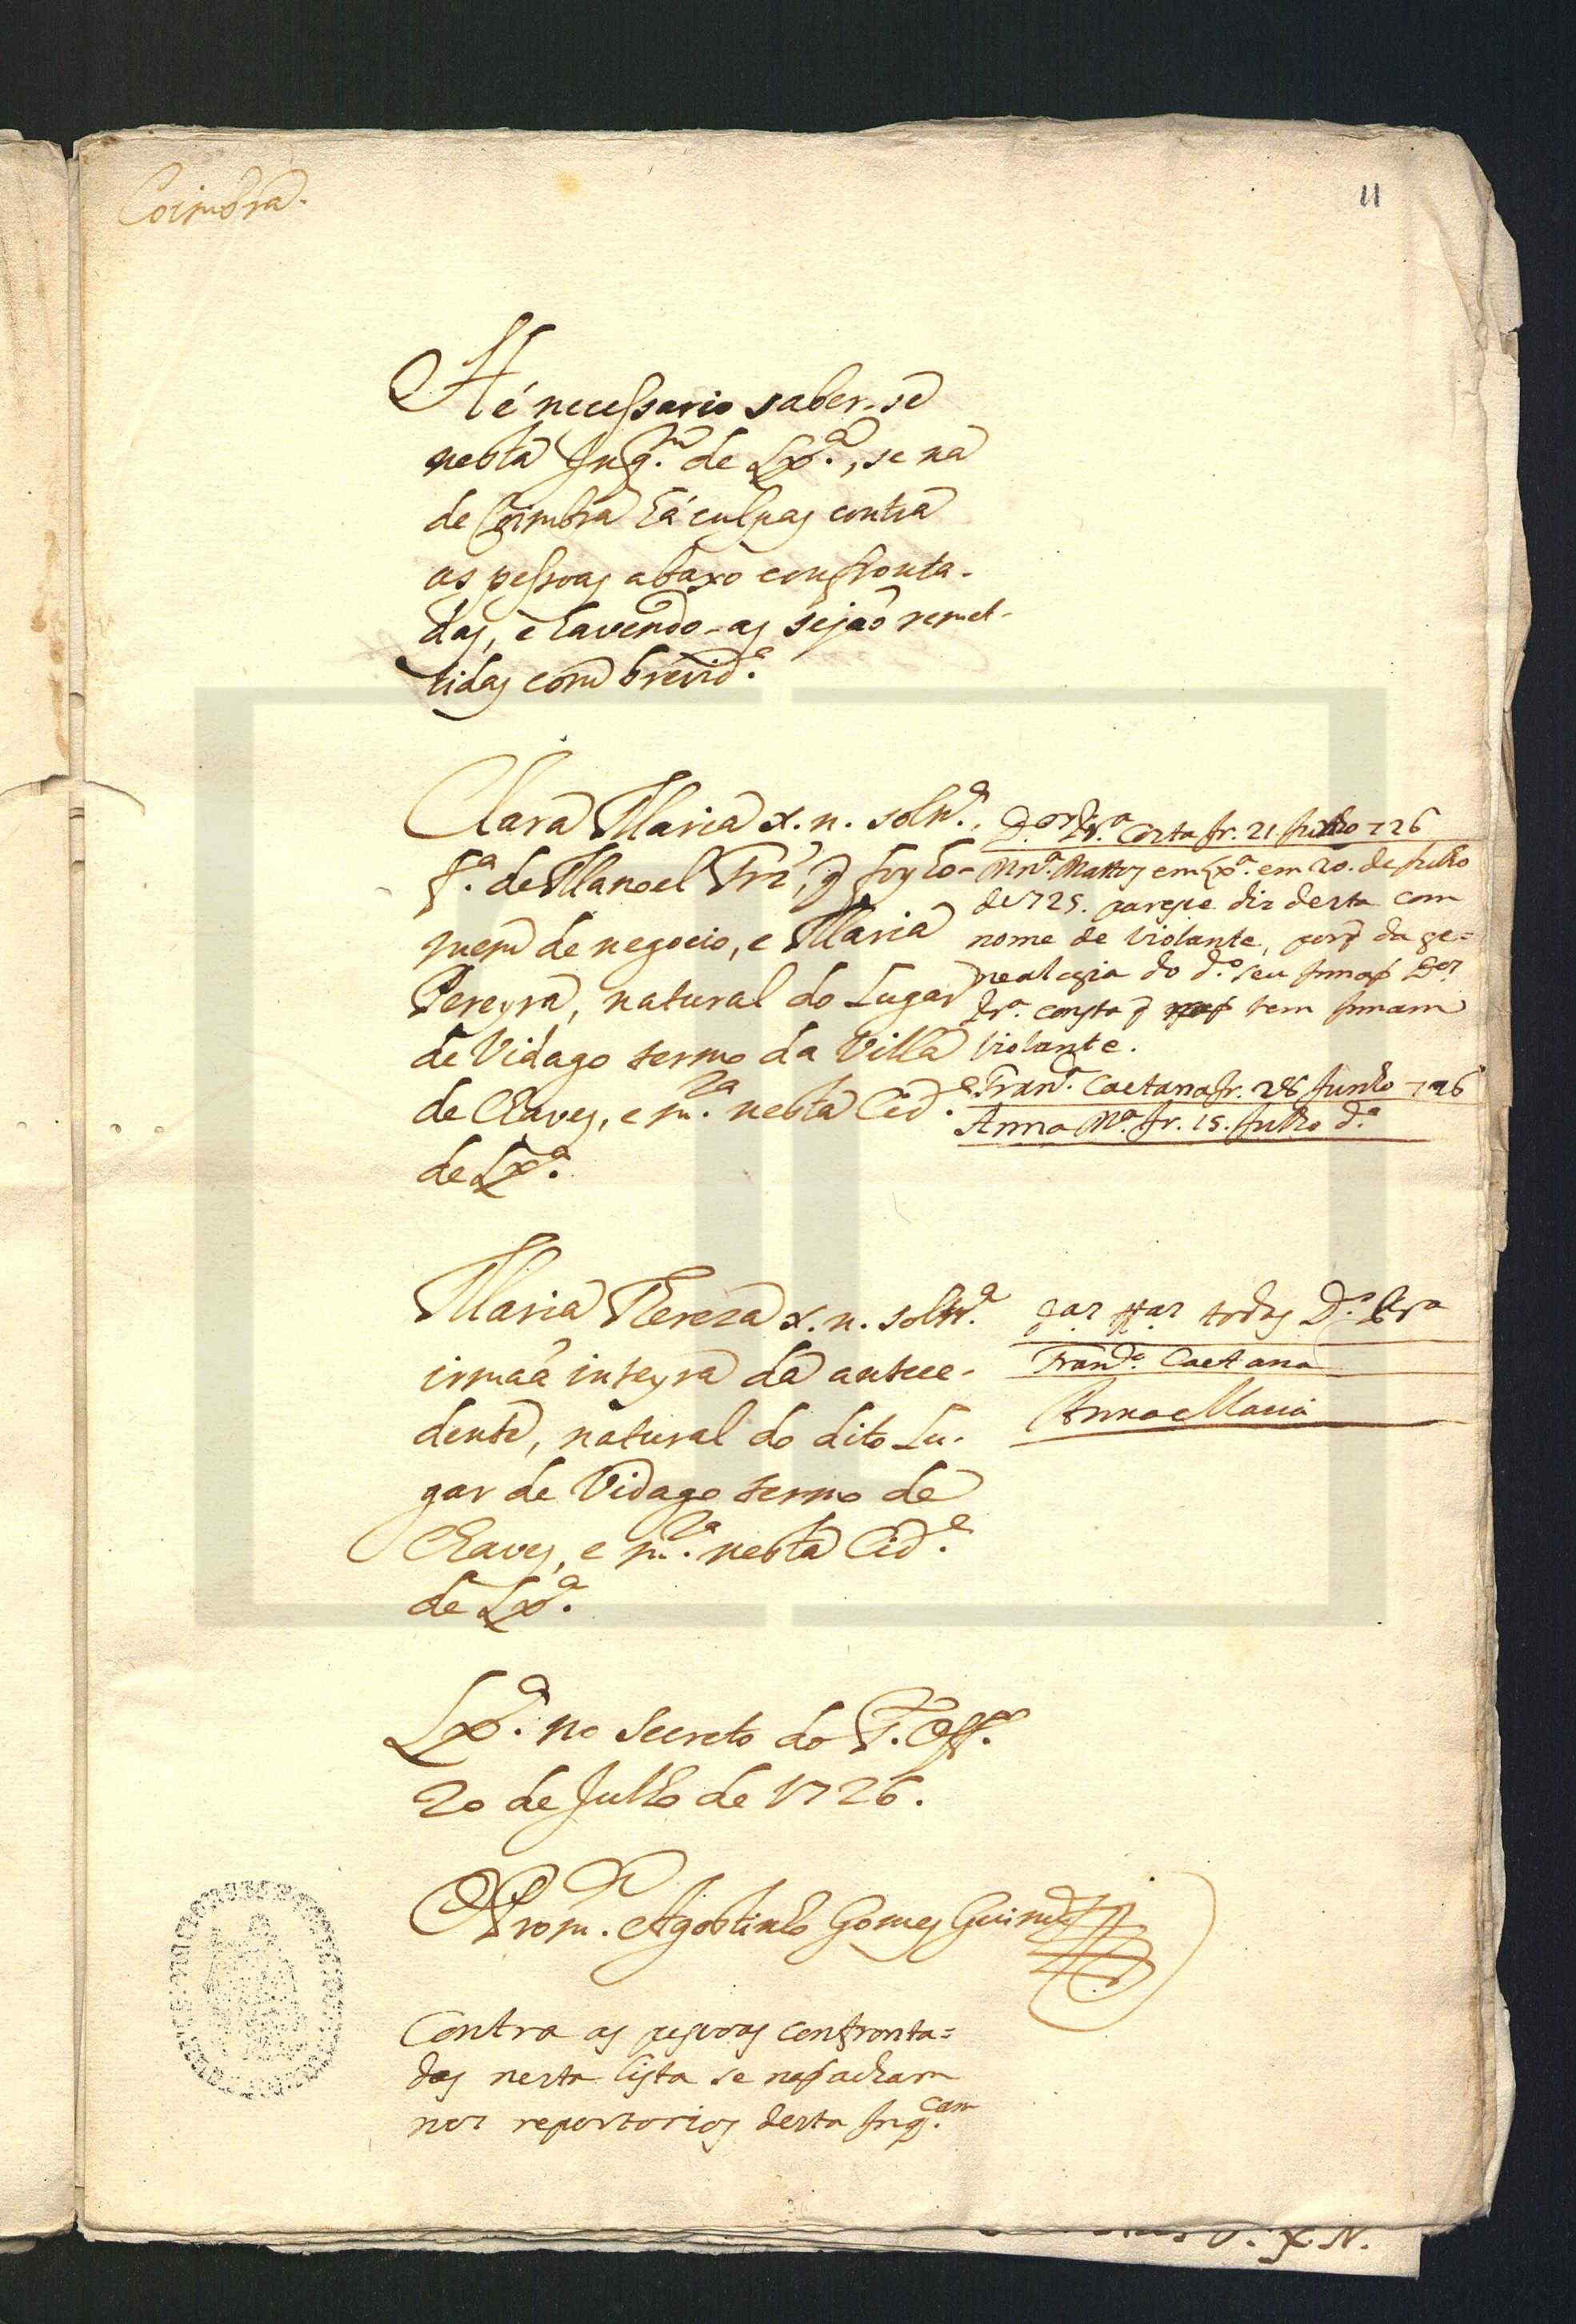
Coimbra.
Hé necessario saber se
nesta Jnq.m de Lx.a, se na
de Coimbra há culpas contra
as pessoas abaxo confronta
das, e havendo-as sejaõ remet
tidas com brevid.e
Clara Maria x. n. soltr.a
D.os Pr.a costa Jr. 21 Julho 726
f.a de Manoel Frz̄, q̄ foy ho
Mn.a Mattos em Lxa em 20. de Julho
de 725. paresse diz desta com
mem de negocio, e Maria
nome de Violante, porq̄ da ge
nealogia do d.o seu Jrmaõ D.os
Pereyra, natural do Lugar
Pr.a consta q̄ naõ tem Jrmam
de Vidago termo da Villa
Violante.
E Fran.ca Caetana Jr. 28 Junho 726
de Chaves, e m.ra nesta Cid̄.e
Anna M.a Jr. 15. Julho d.o
de Lx.a
d.as tt.as todas D.os Pra
Maria Thereza x. n. soltr.a
Fran.co Caetana
irmaā inteyra da antece
Anna Maria
dente, natural do dito Lu
gar de Vidago termo de
Chaves, e m.ra nesta Cid̄.e
de Lx.a
Lx.a no Secreto do s.to Off.o
20 de Julho de 1726.
O Prom.or Agostinho Gomes Guimes
Contra as pessoas confronta
das nesta lista se naõ acham
nos repertorios desta Jnq.çam
